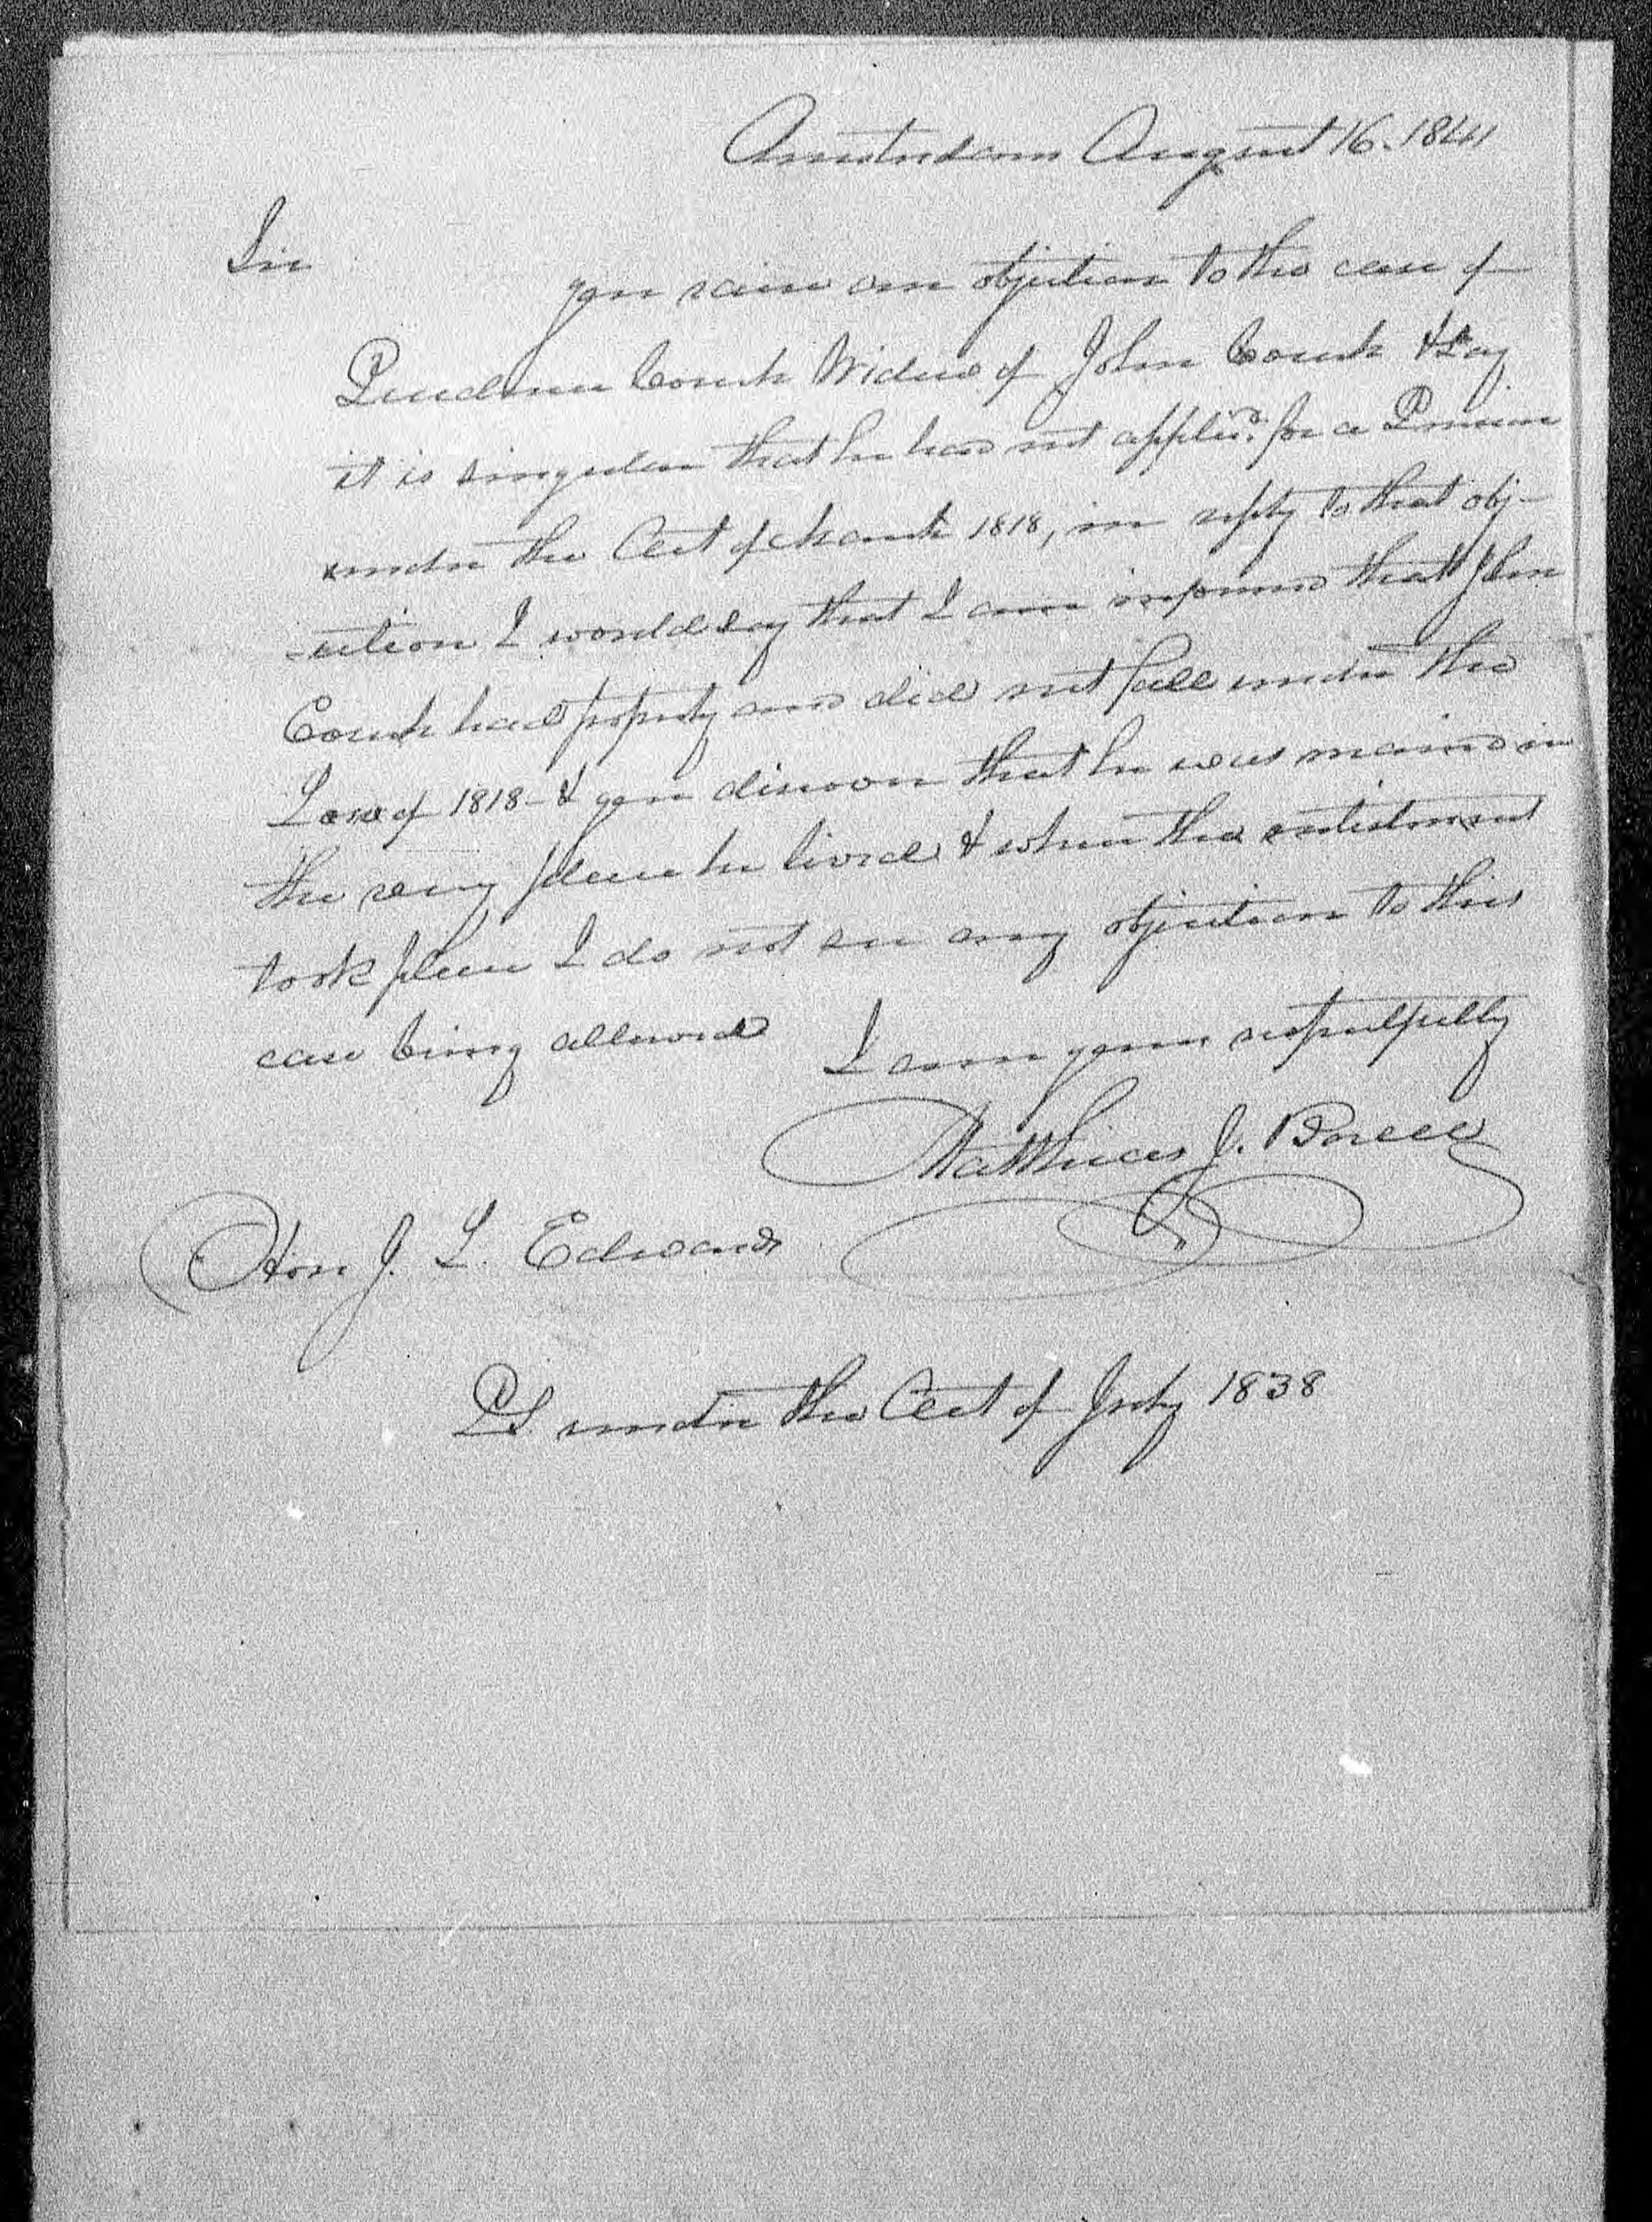Amsterdam August 16, 1841

Sir
You raise an objection to this case of Prudence Couch widow of John Couch & say it is singular that he had not applied for a Pension under the Act of March 1818, in reply to that objection I would say that I am informed that John Couch had property and did not fall under the Law of 1818. I [illegible word] discover that he was married in the very place he lived & when the enlistment too place. I do nay see any objection to this case being allowed
I am yours respectfully
Matthias J Bovee

Hon. J. L. Edwards

under the Act of July 1838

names: Matthias J Bovee, John Couch, John Couch, Prudence Couch, J L Edwards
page: 57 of 68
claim: rejected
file: R. 2,360, John Couch, Conn.